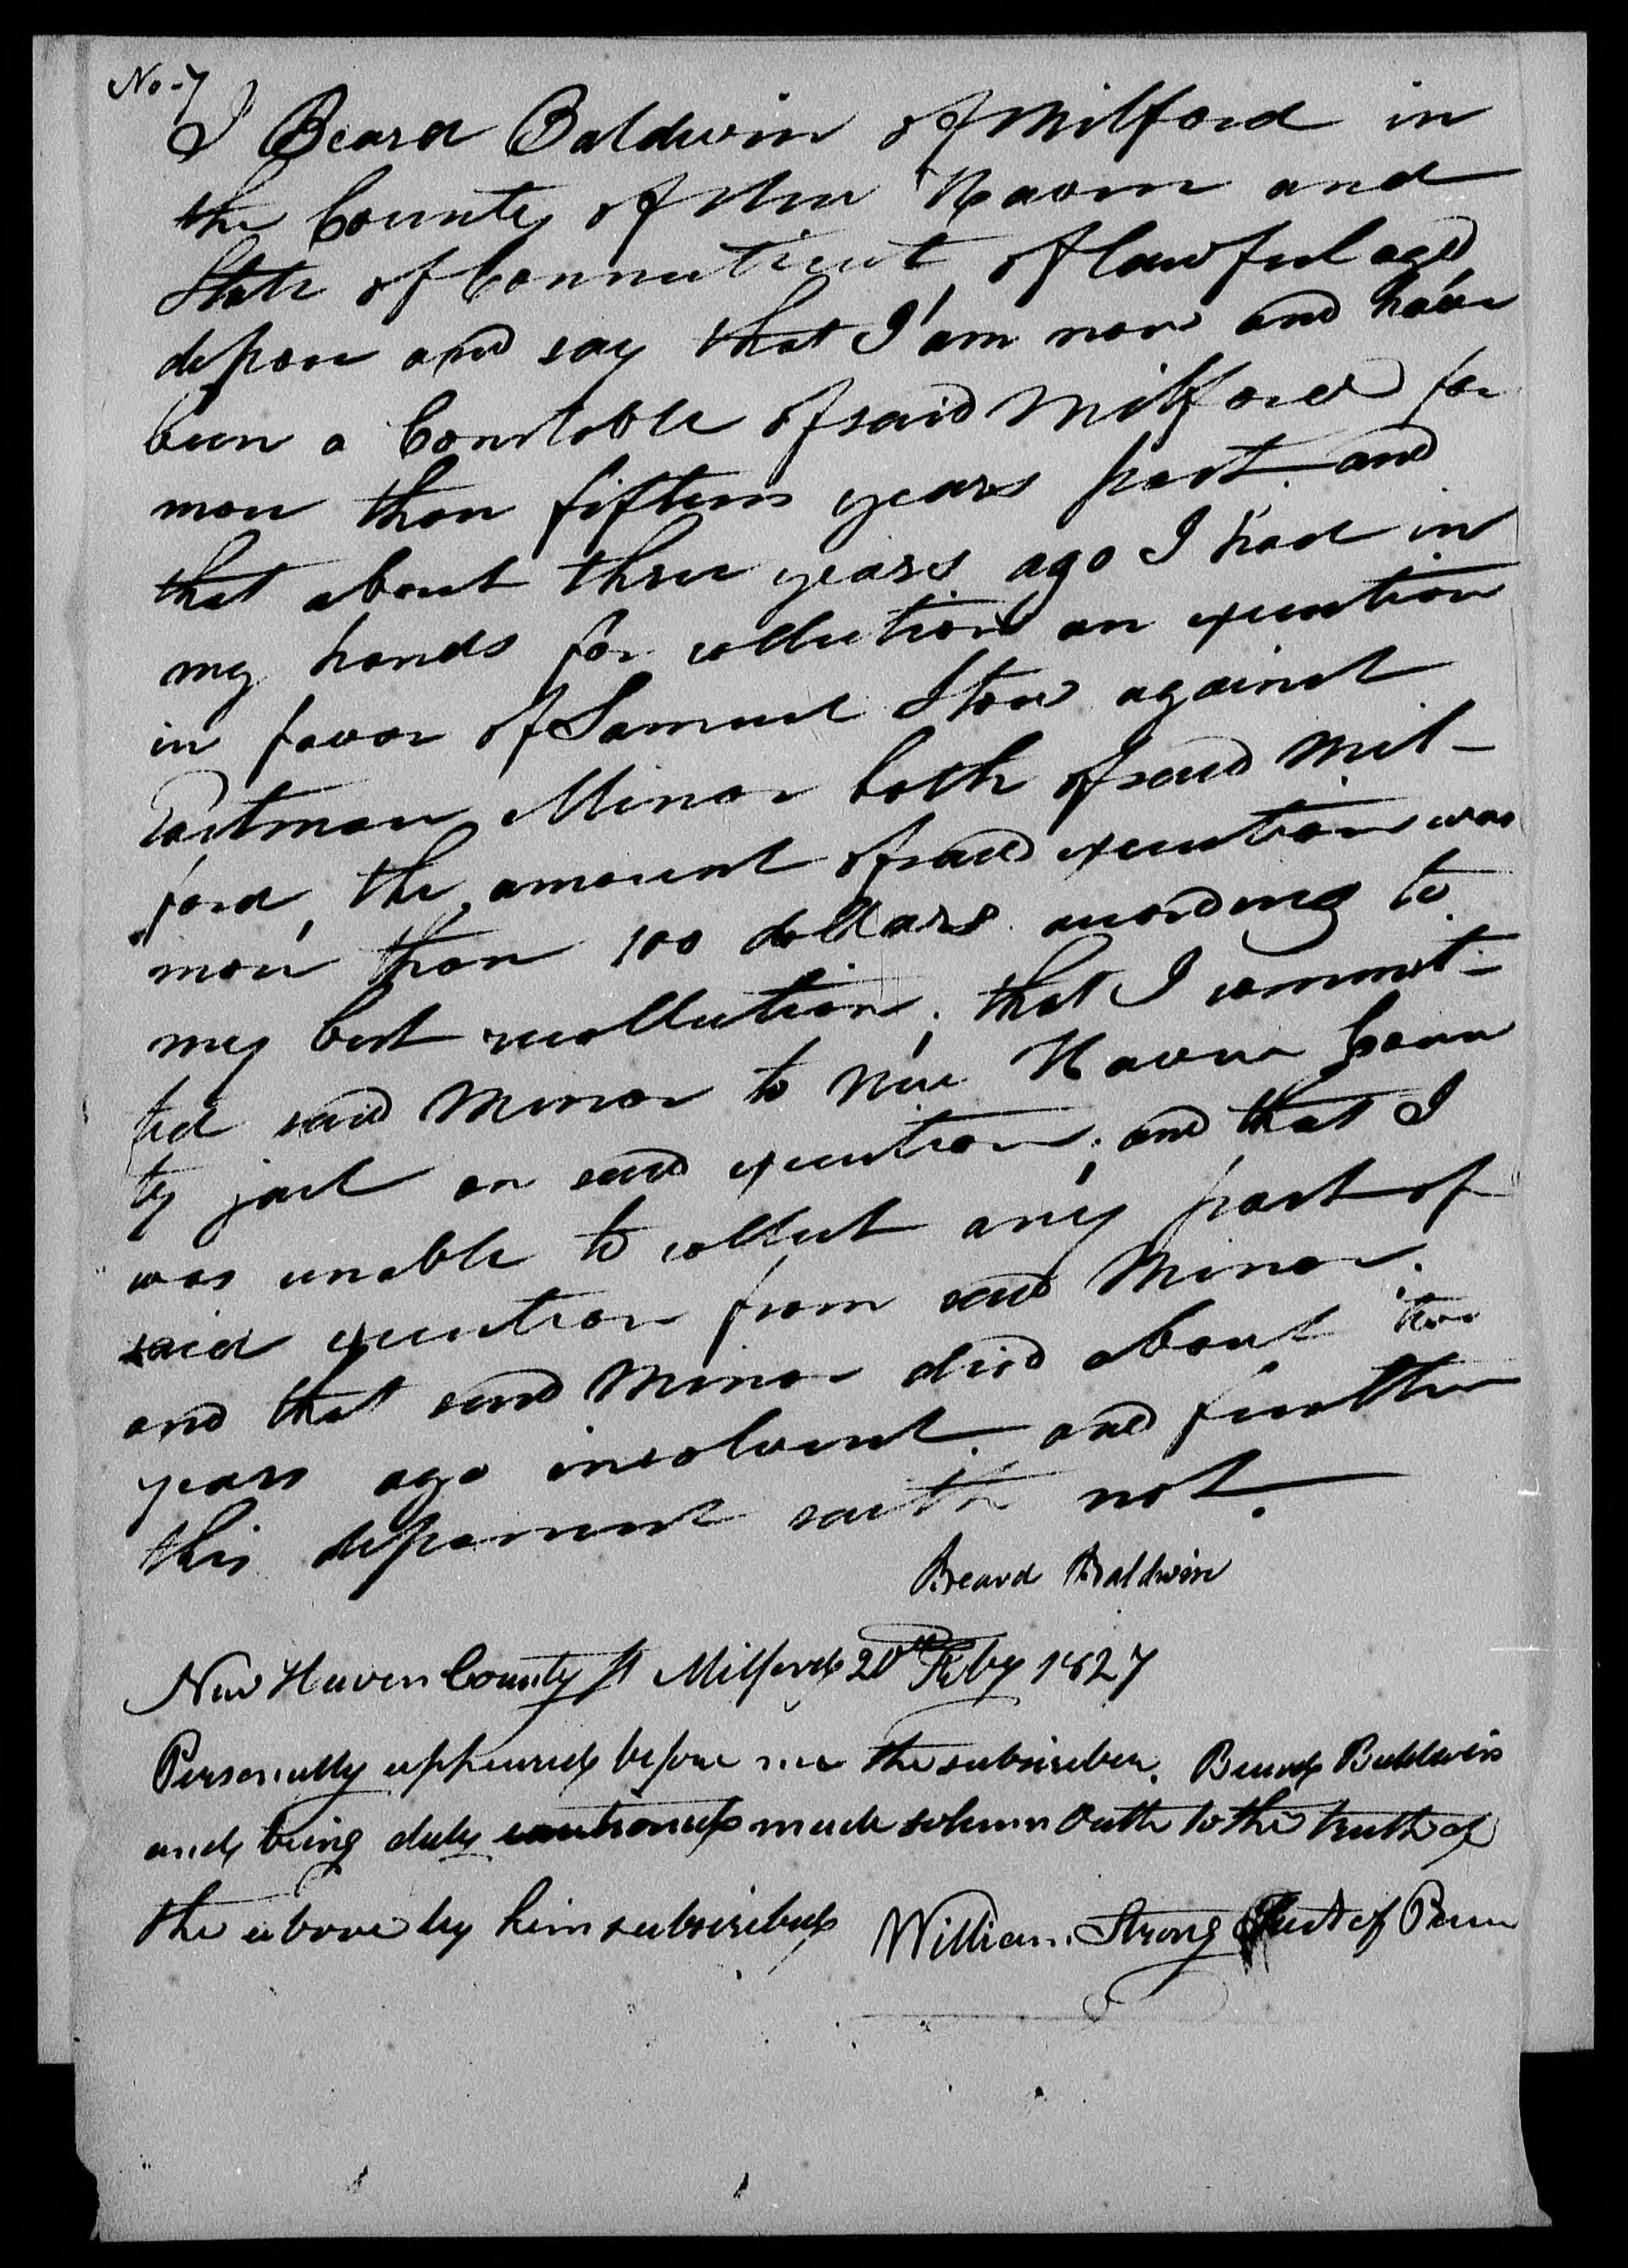No. 7
I Beard Baldwin of Milford in the County of New Haven and State of Connecticut, of lawful age, depose and say that I am now and have
been a Constable of said Milford for
more than fifteen years past and
that about three years ago I had in
my hands for collection an execution
in favor of Samuel Stow against
Eastman Minor, both of said Milford, the amount of said execution was more than 100 dollars according to my best recollection; that I committed said Minor to New Haven County jail on said execution; and that I was unable to collect any part of said execution from said Minor; and that said Minor died about two
years ago insolvent, and further this deponent saith not.
[signed] Beard Baldwin
New Haven County} ss: Milford 20th Feby 1827
Personally appeared before me the subscriber Beard Baldwin, and being duly cautioned made solemn oath to the truth of the above by him subscribed.
William Strong Just of Peace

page: 27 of 42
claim: survivor's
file: S. 36,819, for Samuel Stow, Connecticut